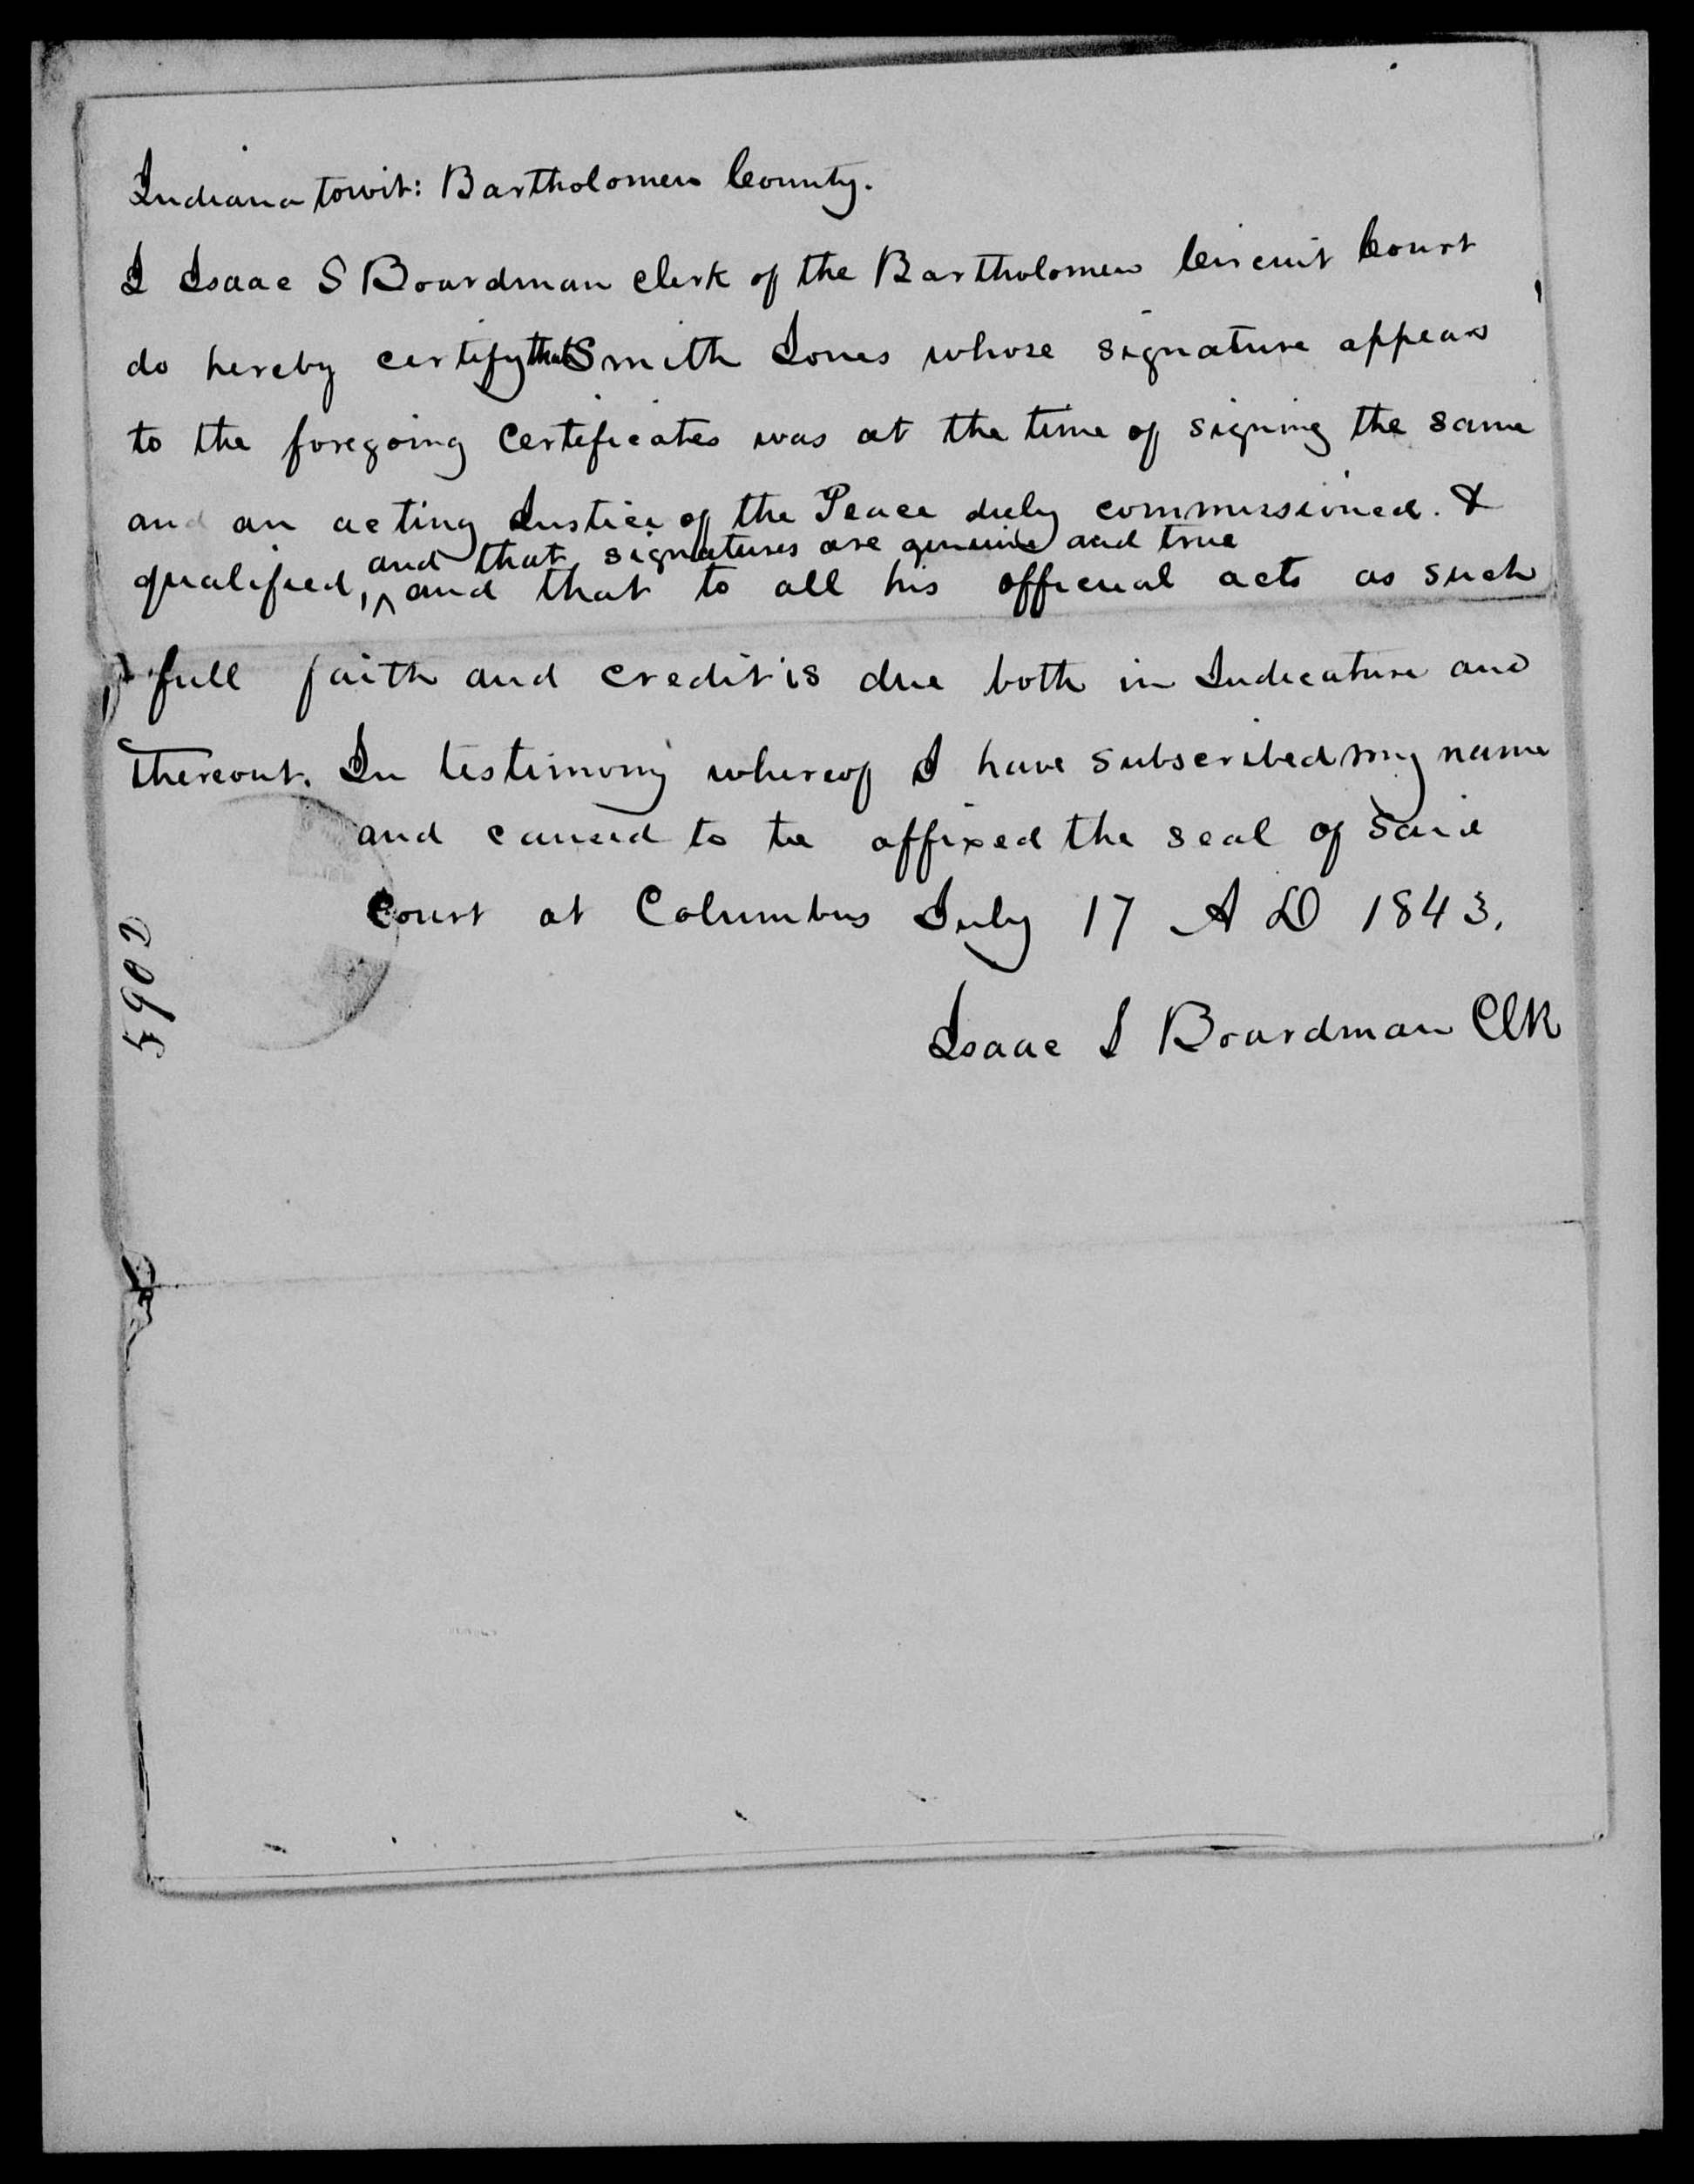Indiana to wit: Bartholomew County.
I Isaac S Bourdman Clerk of the Bartholomew Circuit Court do hereby certify that Smith Jones whose signature appears to the foregoing Certificates was at the time of signing the same and an acting Justice of the Peace duly commissioned & qualified, and that signatures are genuine and true and that to all his official acts as such full faith and credit is due both in Judication and thereout. In testimony whereof I have subscribed my name and caused to be affixed the seal of said Court at Columbus July 17 AD 1843
[signed] Isaac S Boardman Clk

5902
[illegible Court Seal affixed at left]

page: 18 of 78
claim: widow's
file: W. 25,169, for Daniel Sullivan, Maryland